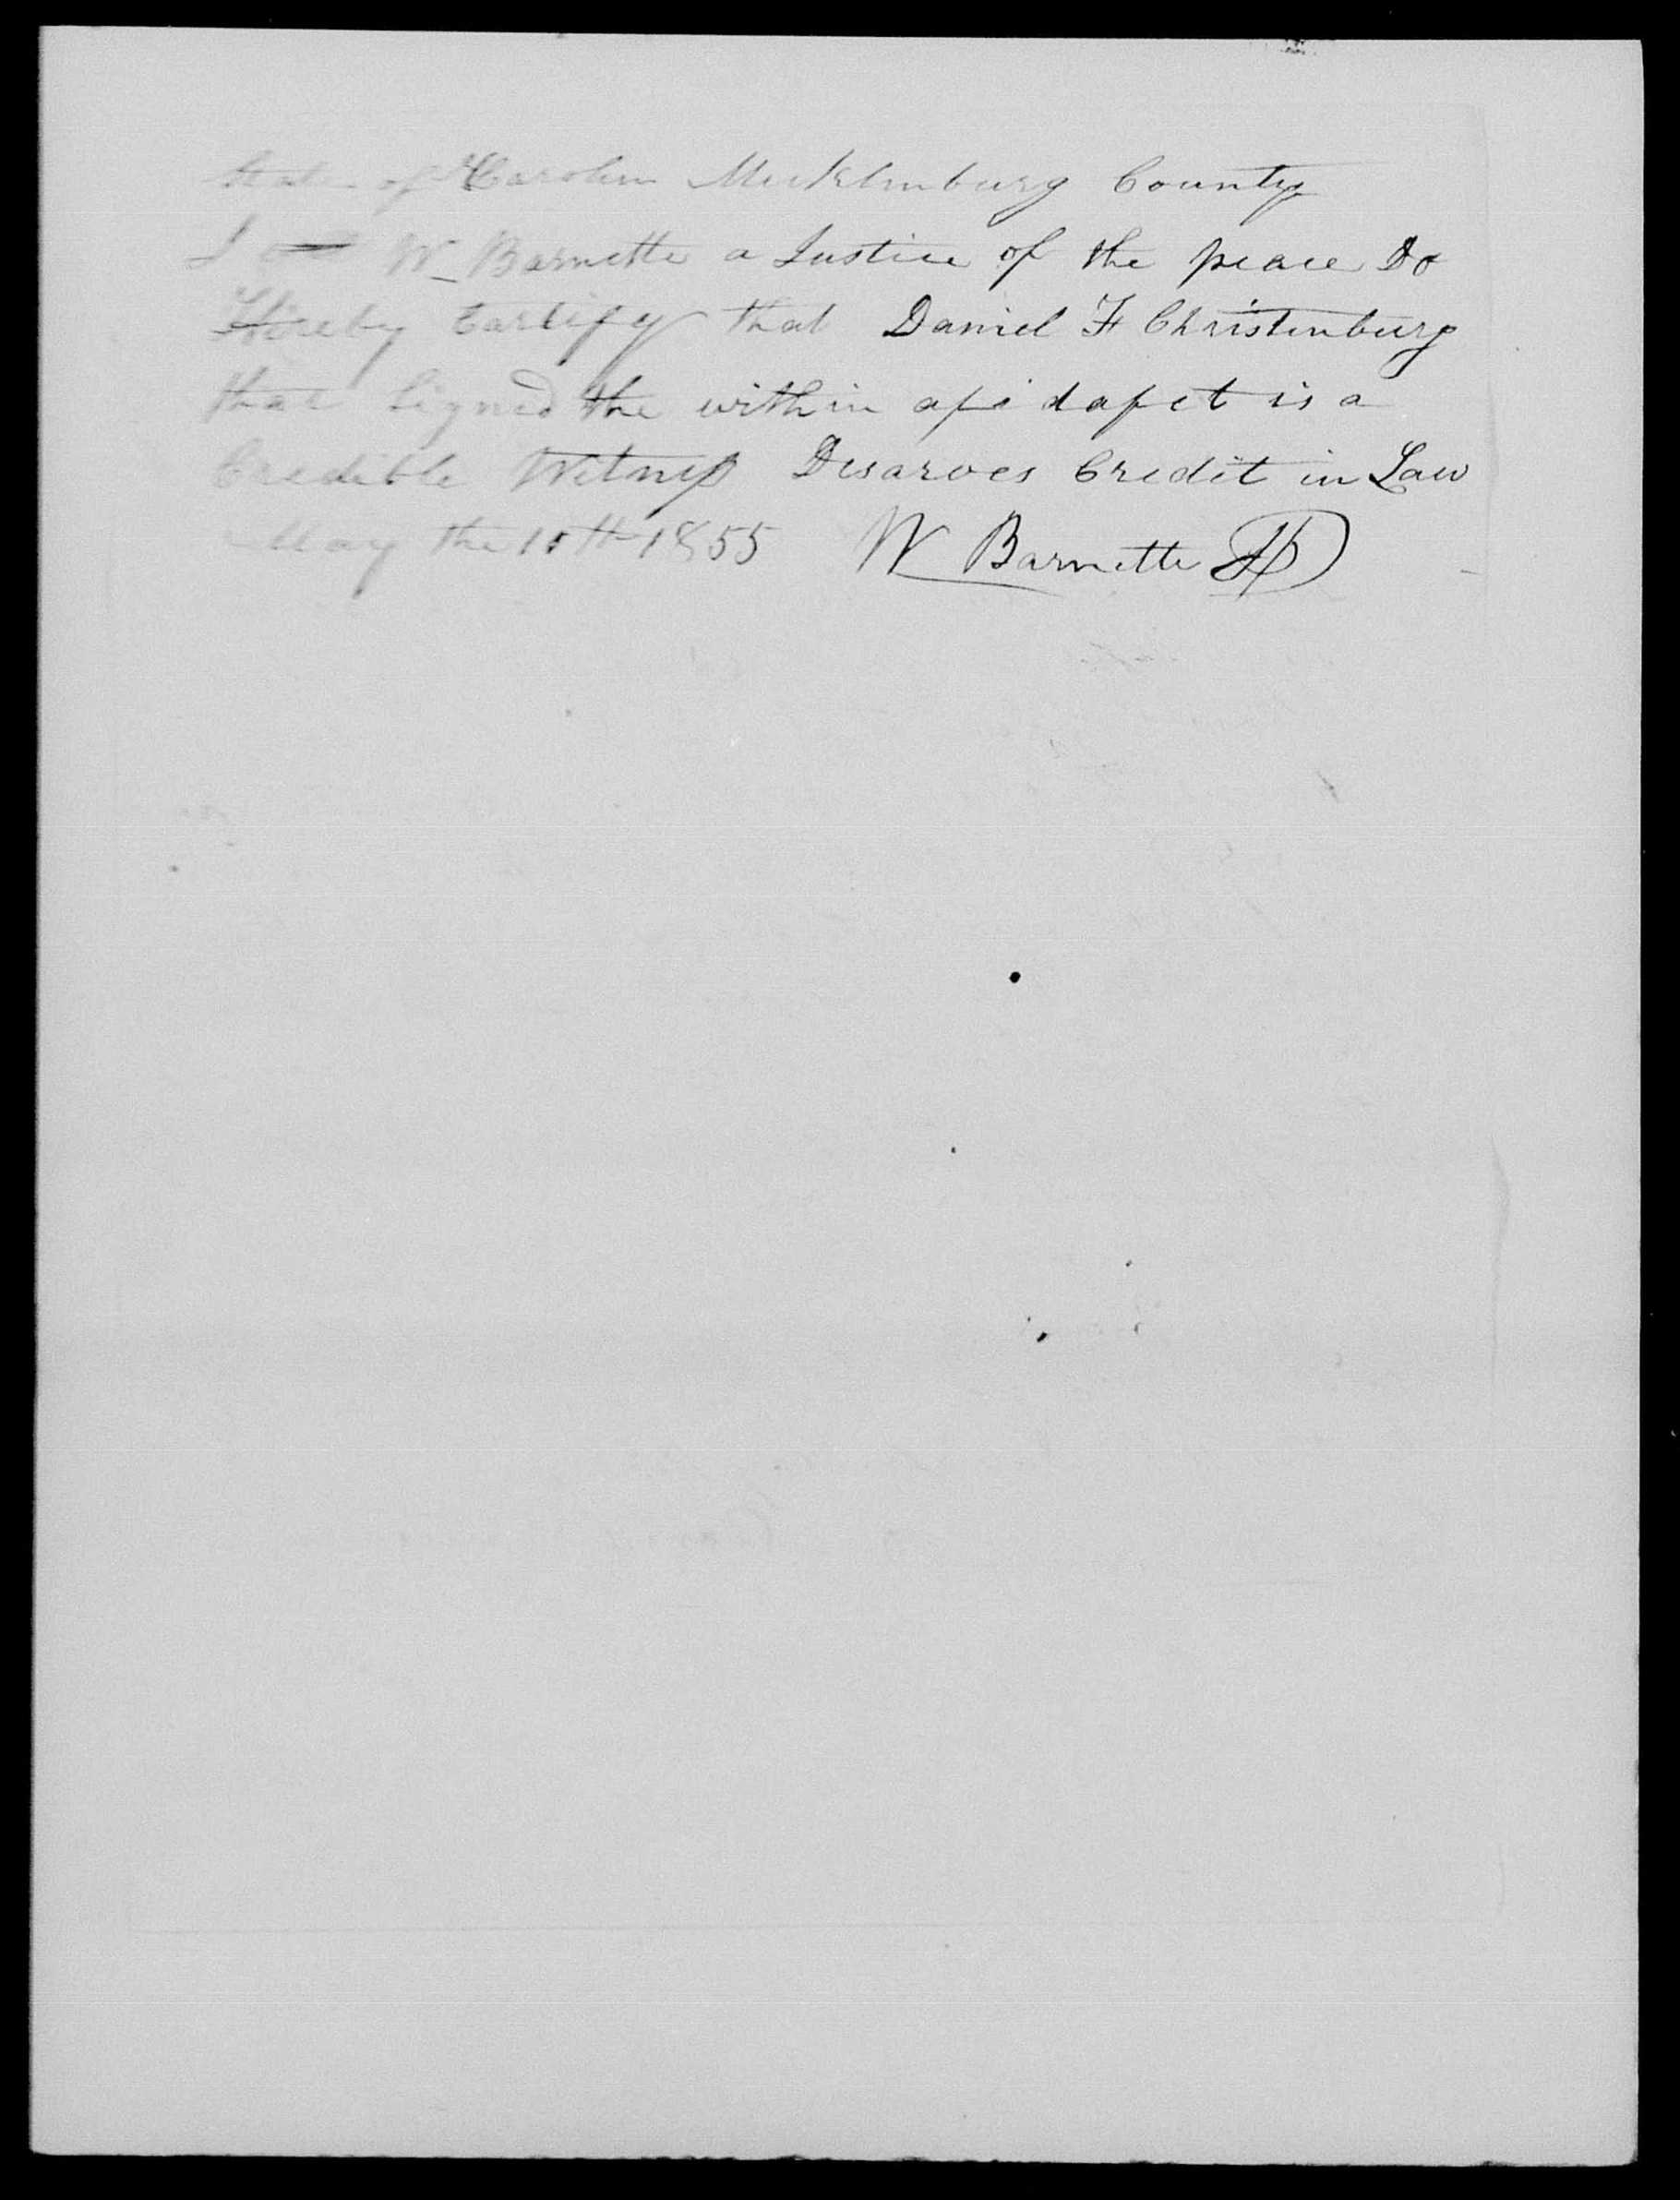State of NCarolina Mecklenburg County 
I W. Barnette a Justice of the peace do Hereby Certify that Daniel F. Christenbury that signed the within affidavit is a Creditable witness Deserves Credit in Law.
May the 10th 1855 W. Barnette JP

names: W Barnette, W Barnette, Daniel F Christenbury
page: 36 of 52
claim: rejected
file: R. 3,512, John Ferrell, N.C.